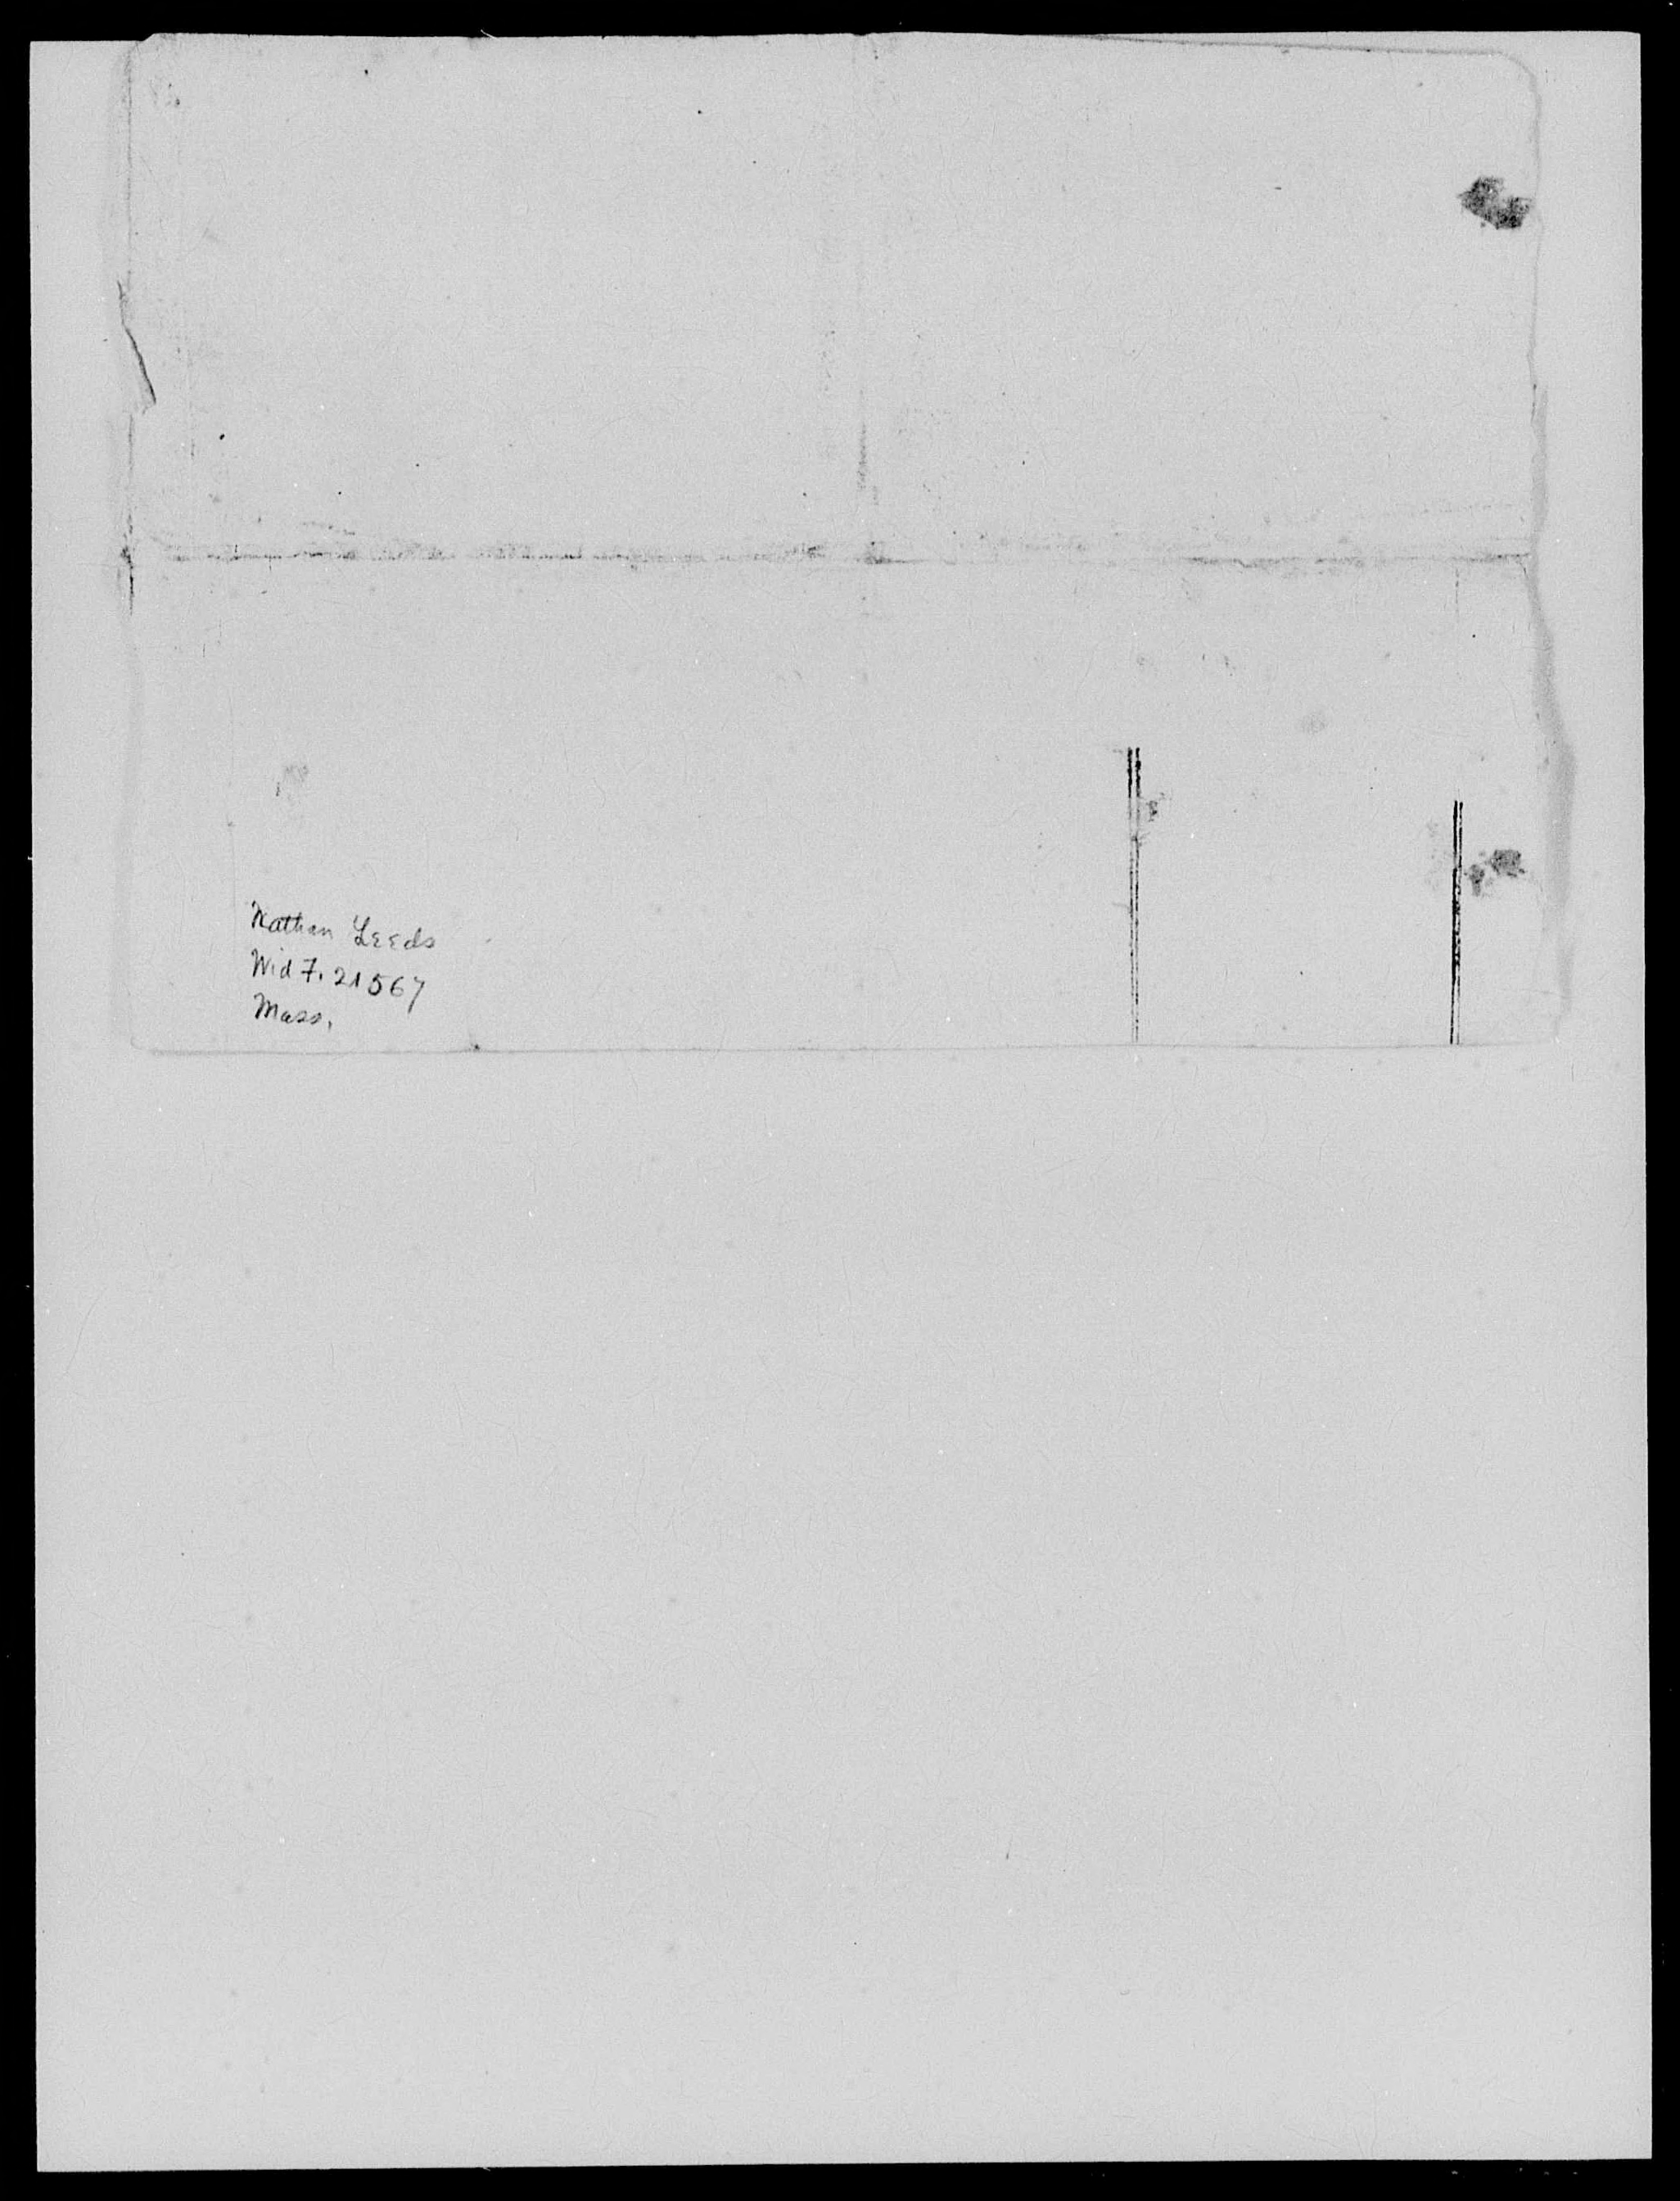Nathan Leeds
Wid F. 21567
Mass.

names: Nathan Leeds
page: 11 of 33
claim: widow's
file: W. 21,567, for Nathan Leeds, Massachusetts